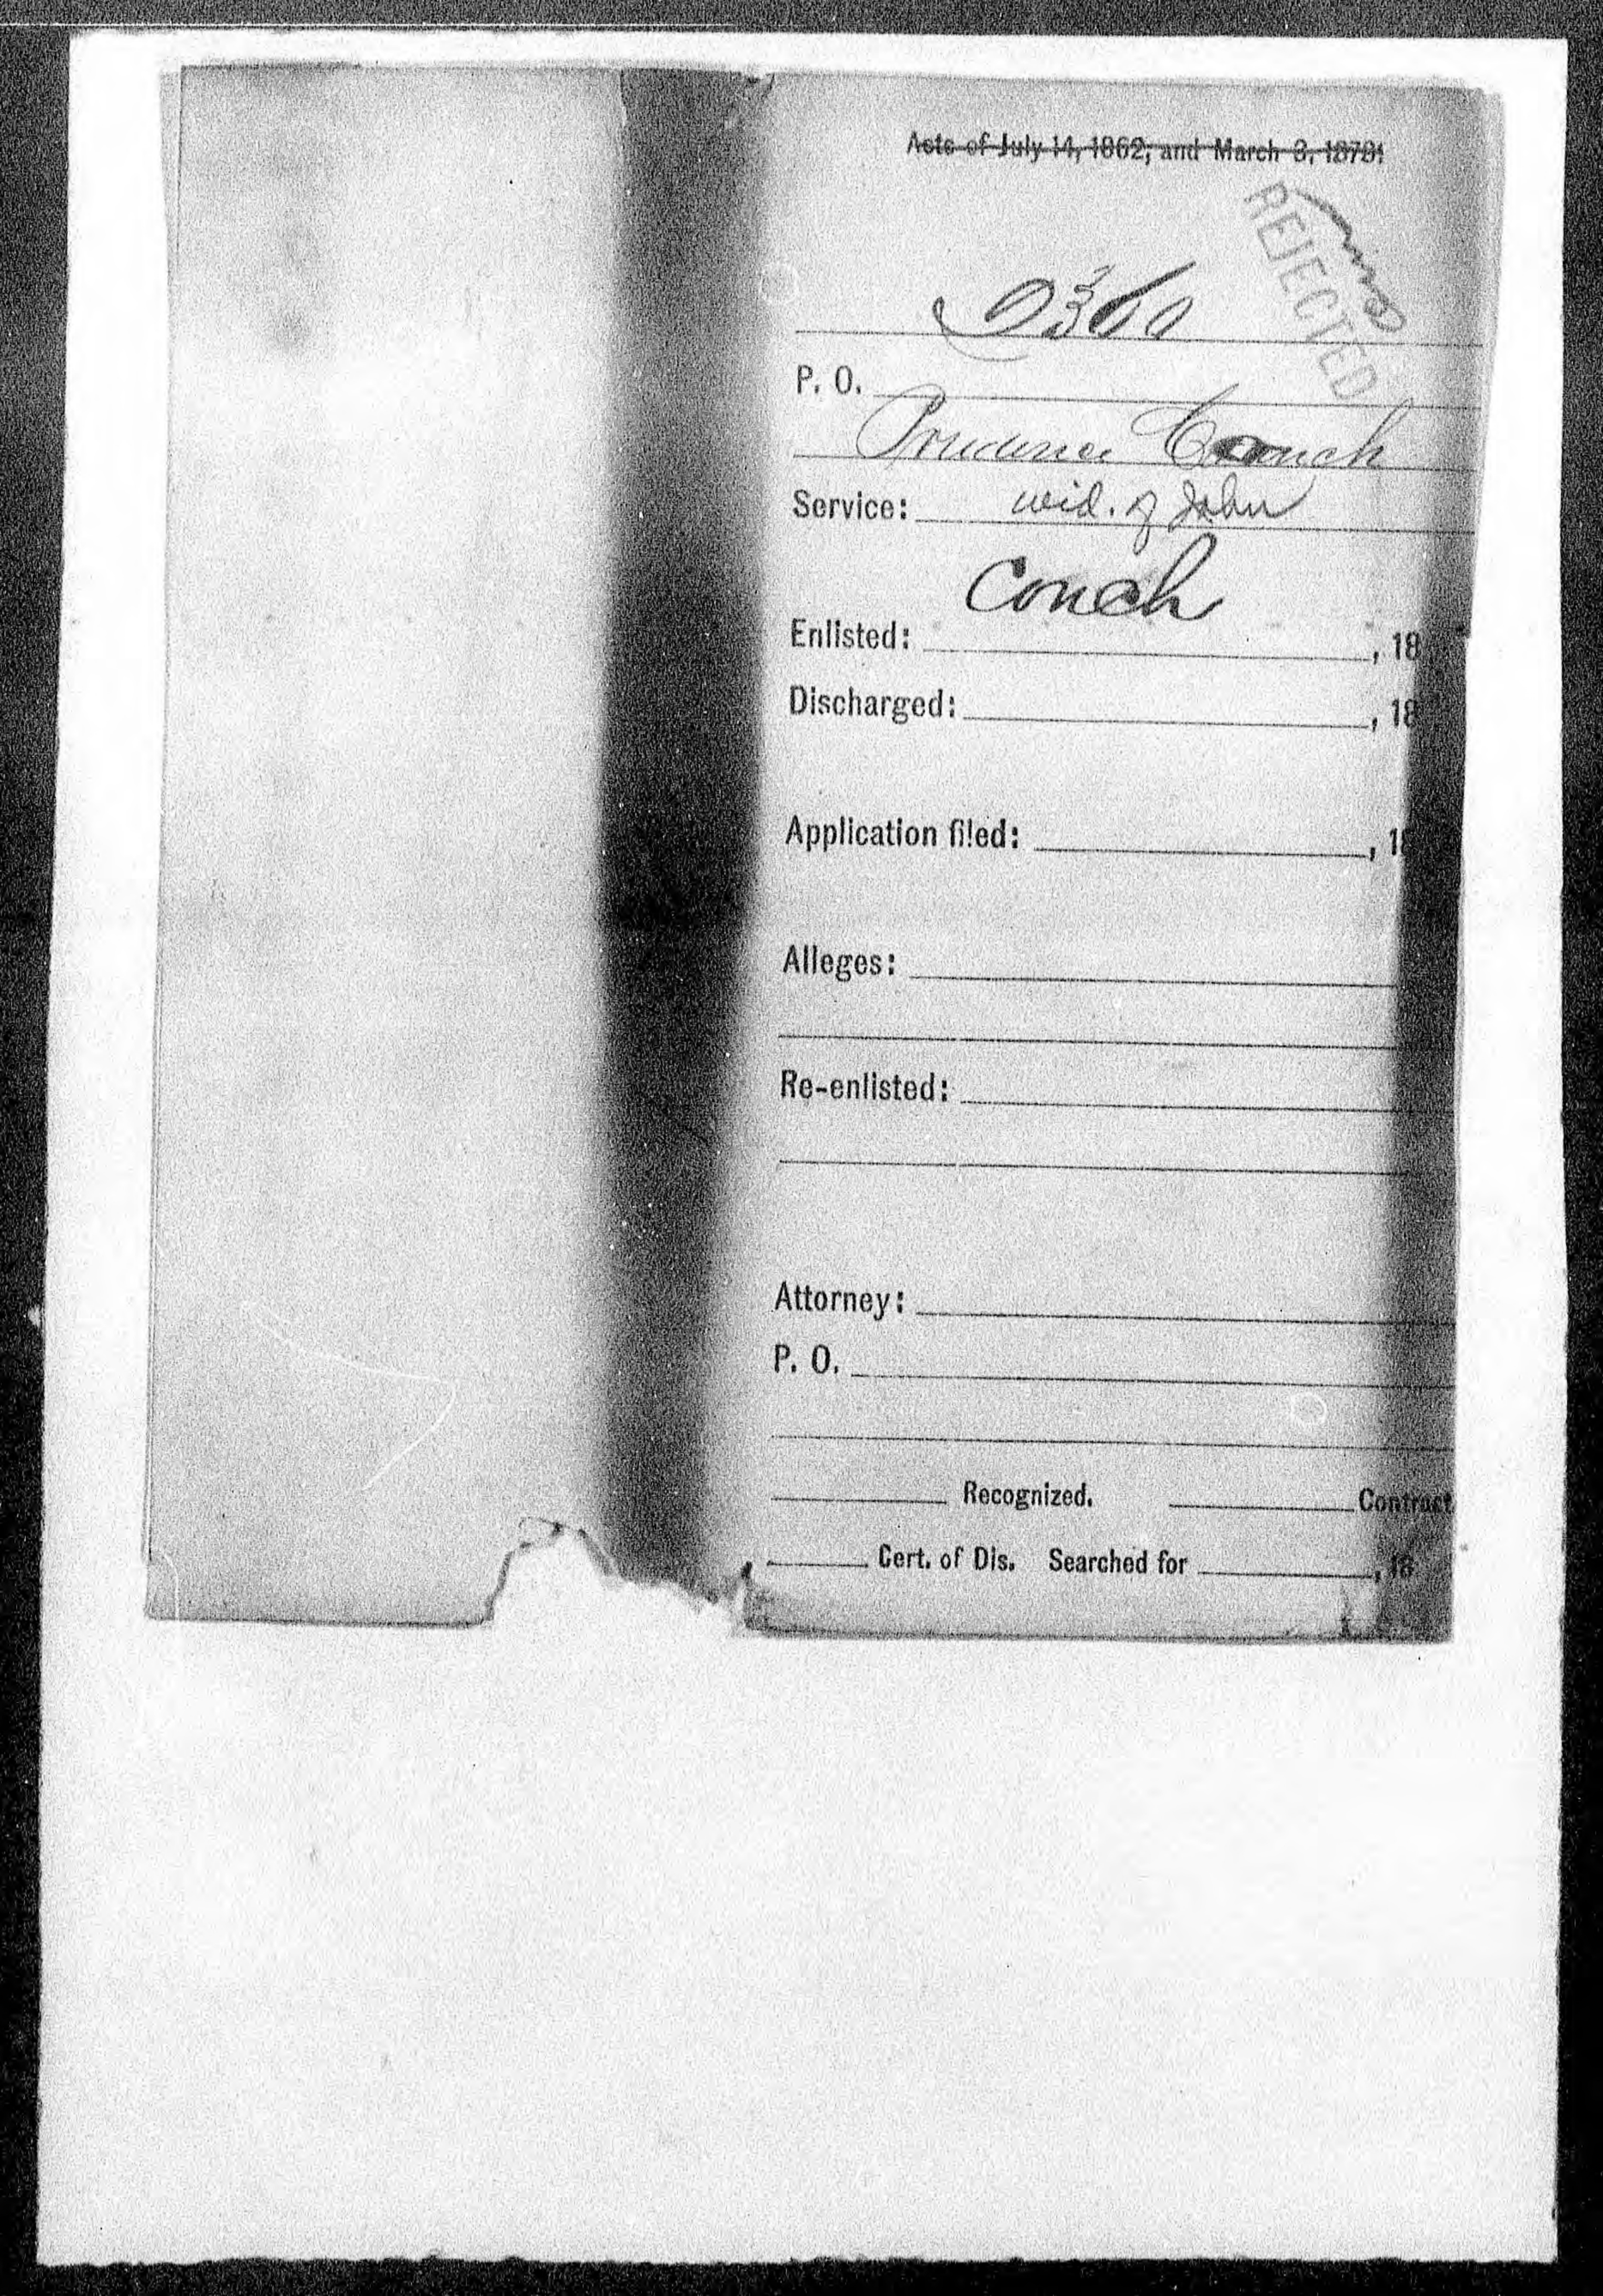REJECTED
2360
P.O.    
Prudence Couch
Service: wid. of John Couch
Enlisted:                        , 18
Discharged:                  , 18

Application filed                           , 18

Alleges:

Re-enlisted:

Attorney:
P.O.
------ Recognized ------------- Contract
------ Cert. of Dis.  Searched for -----------, 18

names: Prudence Couch, John Couch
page: 30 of 68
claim: rejected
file: R. 2,360, John Couch, Conn.